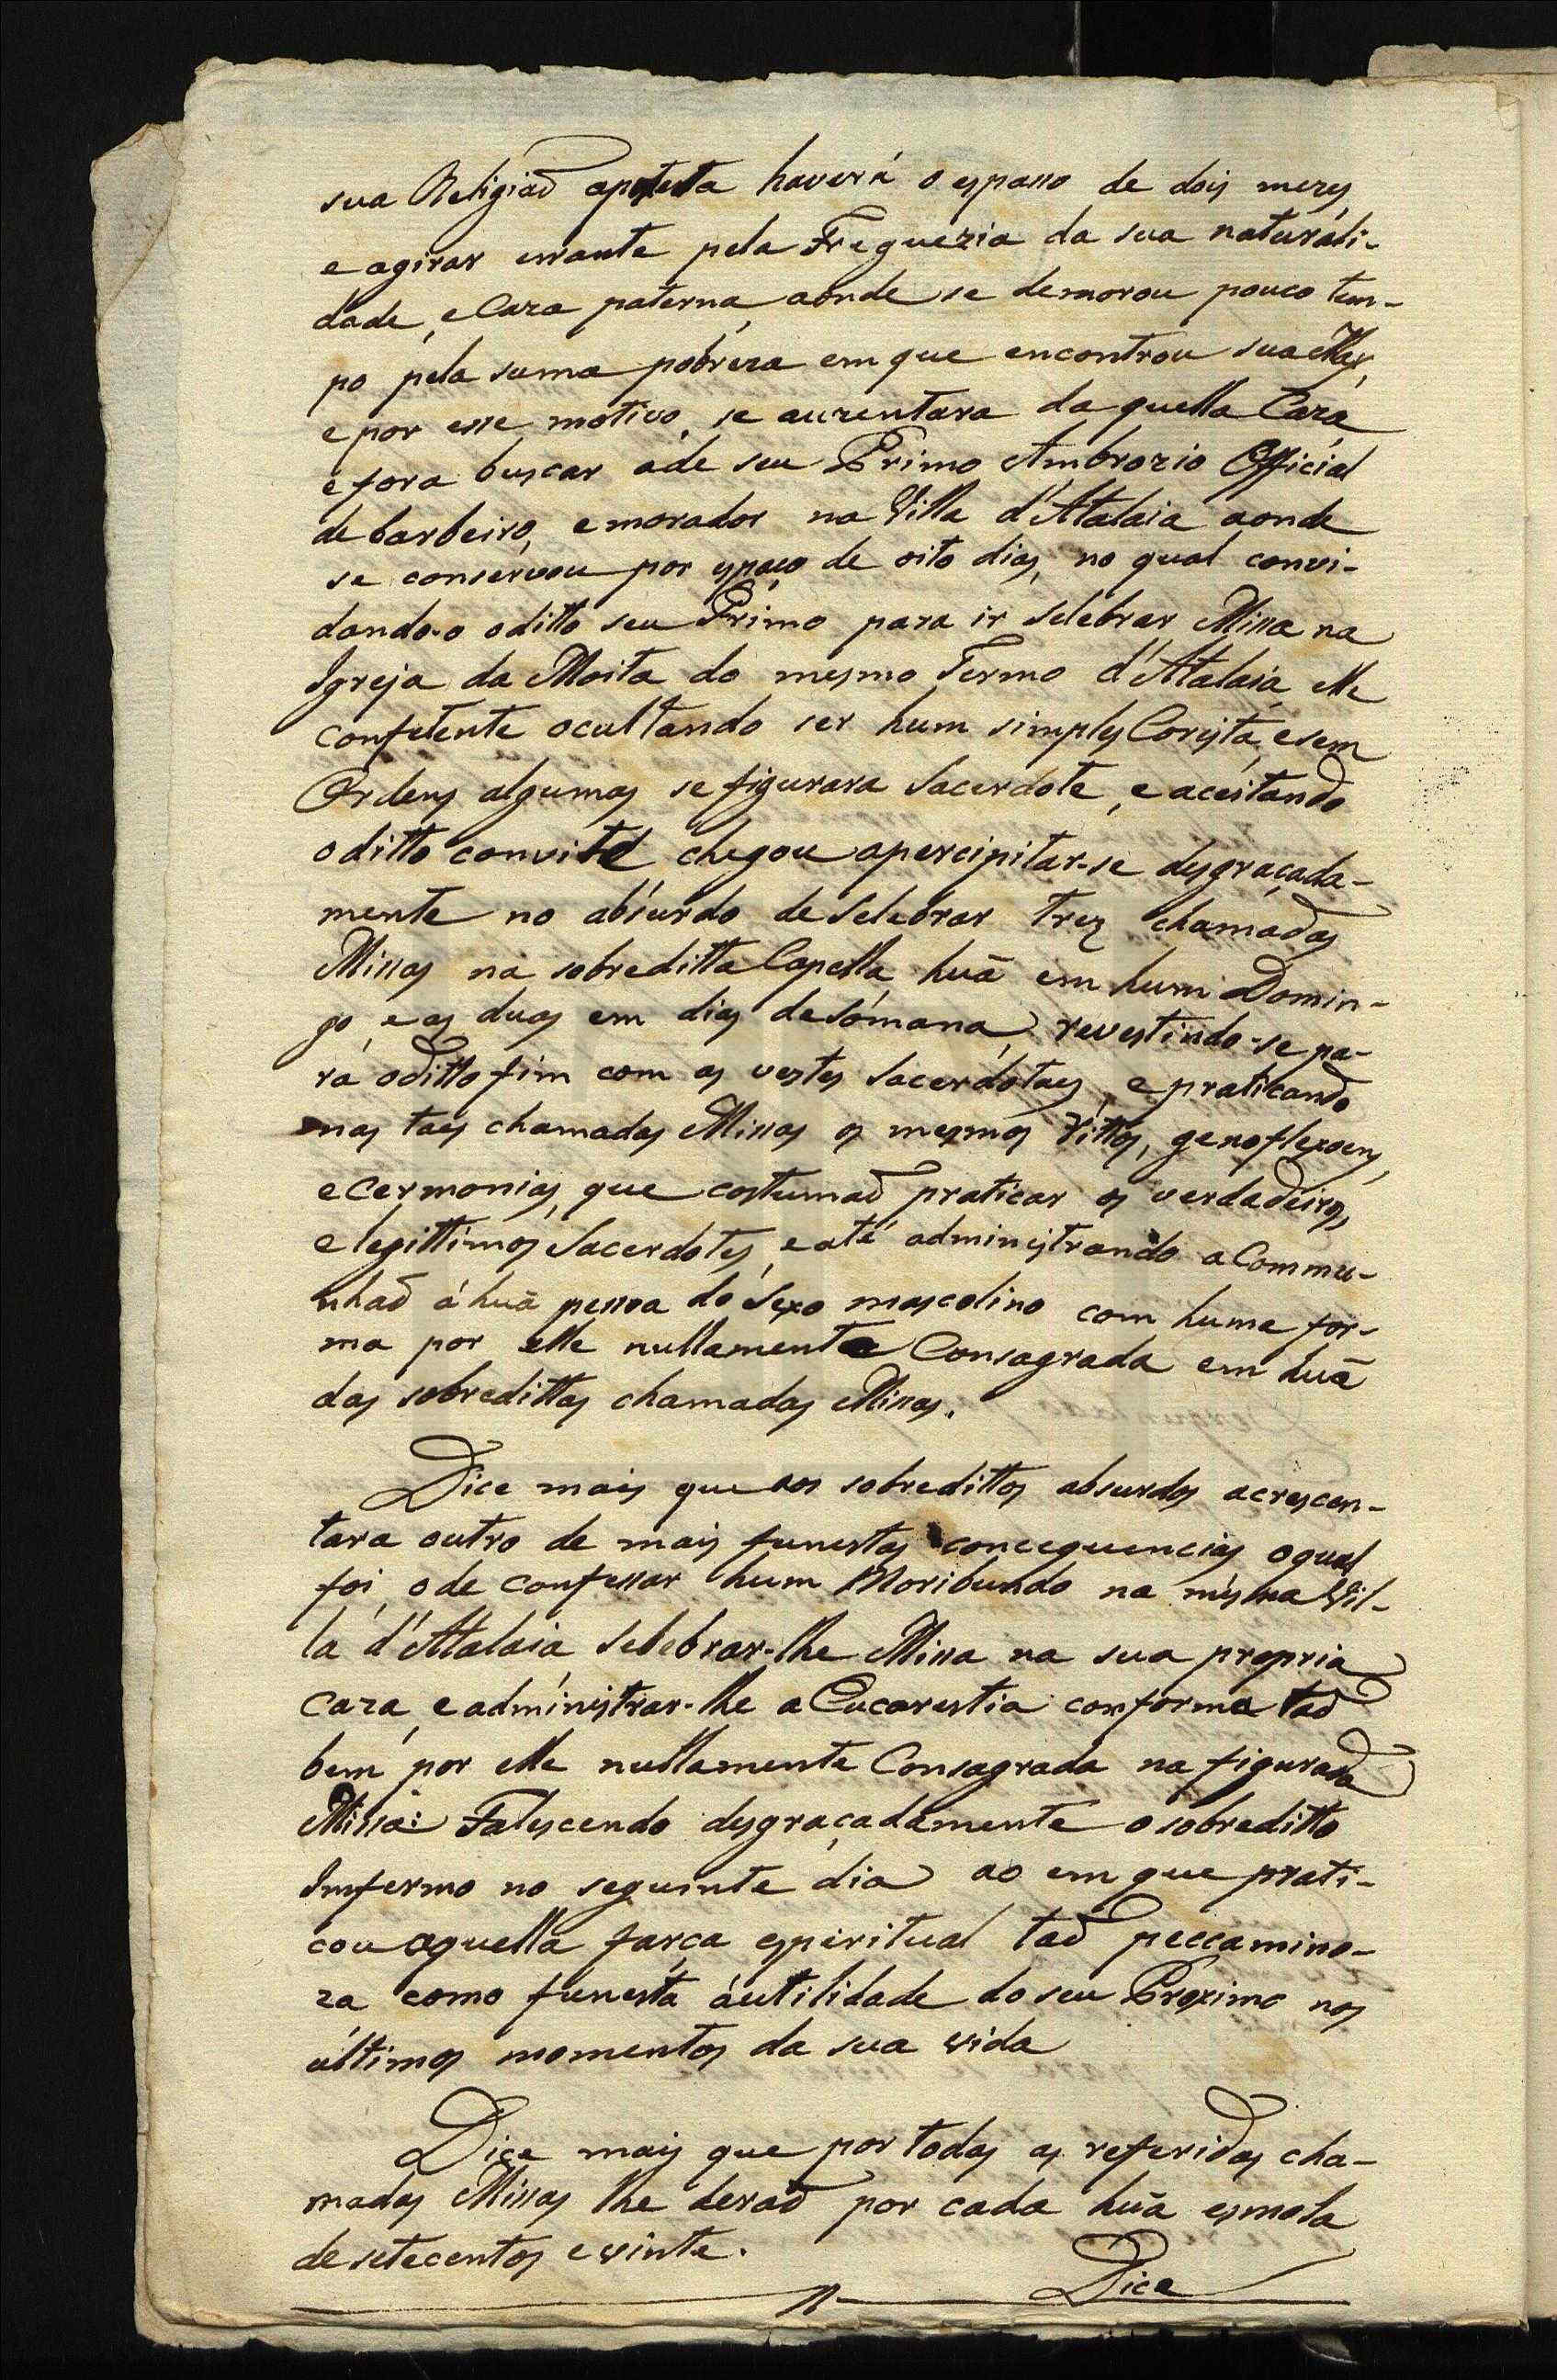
sua Religiaõ apoteta haverá o espasso de dois mezes,
e a girar errante pela Freguezia da sua naturali
dade, e caza paterna, aonde se demorou pouco tem
po pela suma pobreza em que encontrou sua May,
e por esse motivo, se auzentara daquella Caza,
e fora buscar a de seu Primo Ambrozio Official
de barbeiro, e morador na Villa d'Atalaia aonde
se conservou por espaço de oito dias, no qual convi
dando-o o ditto seu Primo para ir selebrar, Missa na
Igreja da Moita do mesmo Termo d'Atalaia, elle
confitente ocultando ser hum simples Corista, e sem
Ordens algumas se figurara Sacerdote, e aceitando
o ditto convite, chegou a percipitar-se desgraçada
mente no absurdo de selebrar trez chamadas
Missas na sobreditta Capella, huā em hum Domin
go e as duas em dias da somana, revestindo-se pa
ra o ditto fim com as vestes sacerdotaes, e praticando
nas taes chamadas Missas os mesmos Rittos, genoflexoens,
e cermonias, que costumaõ praticar os verdadeiros,
e legittimos Sacerdotes, e até administrando a Commu
nhaõ á huā pessoa do sexo mascolino com huma for
ma por elle nullamente Consagrada em huā
das sobredittas chamadas Missas.
Dice mais que aos sobredittos absurdos acrescen
tara outro de mais funestas concequencias, o qual
foi, o de confessar hum Moribundo na mesma Vil
la d'Atalaia selebrar-lhe Missa na sua propria
caza, e administrar-lhe a Eucarestia com forma taõ
bem por elle nullamente Consagrada na figura da
Missa: Falescendo desgraçadamente o sobreditto
Imfermo no seguinte dia ao em que prati
cou aquella farça espiritual tão peccamino
za como funesta á utilidade do seu Proximo nos
últimos momentos da sua vida
Dice mais que por todas as referidas cha
madas Missas lhe deraõ por cada huā esmola
de setecentos e vinte.
Dice
